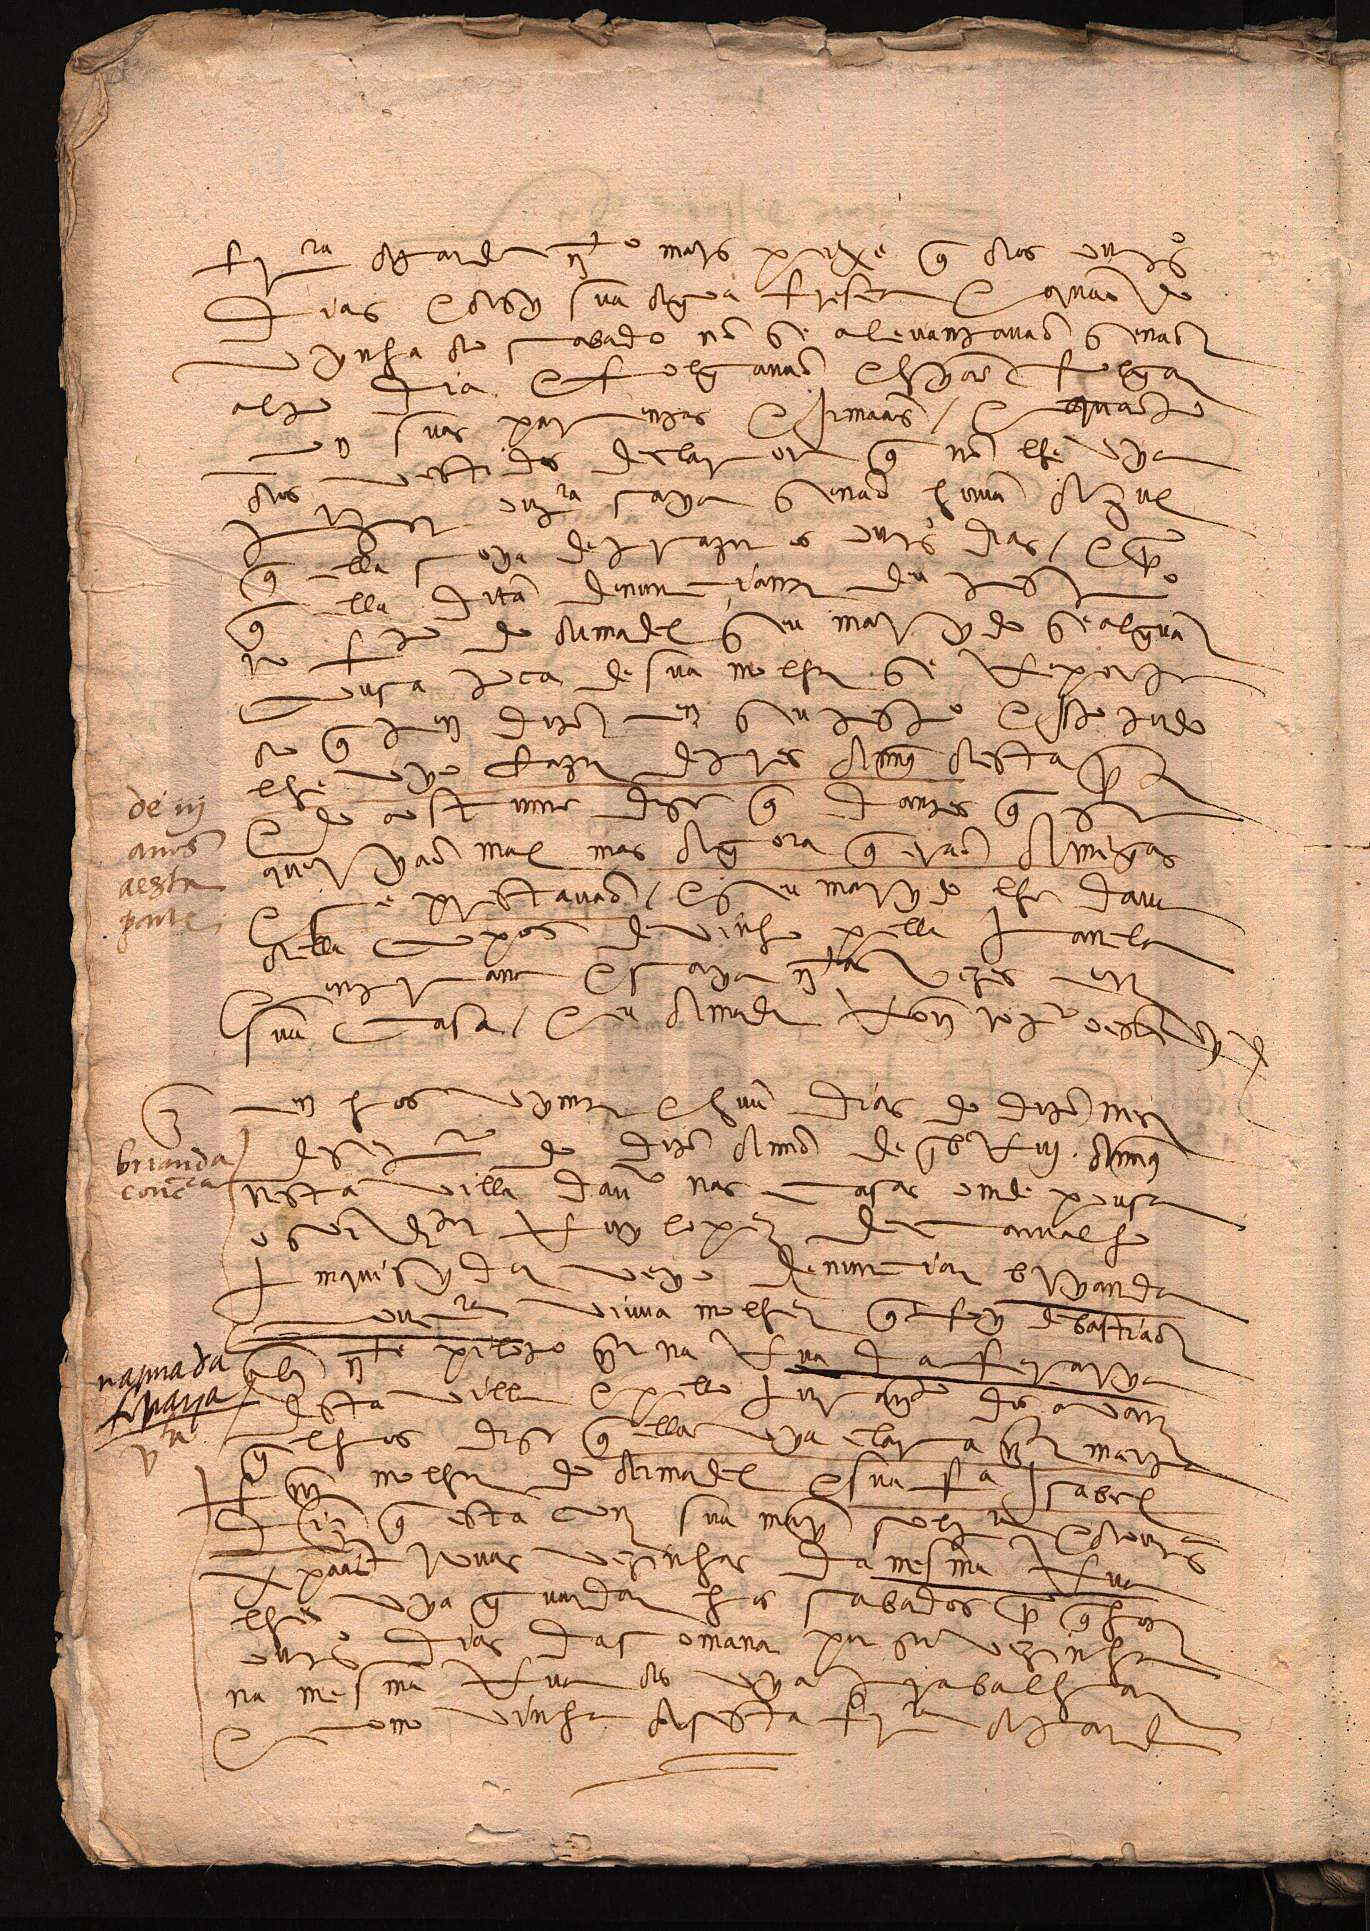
frra A tarde mto majs peixe q̄ Aos outos
dias e Asy sua Agoa fresca e quãodo
vynha Ao sabado nō se aleuantauaõ senaõ
alto dia e folgauaõ e hyão folgar
com suas parentas e Jrmaās / e quāto
Aos vestidos declarou q̄ nō lhe vya
tizer outra saya senaõ huūa Azul
q̄ ella soya de trazer os outos dias / e p̄o
q̄ ella dita denunçiante deu testo
no fto do Armadel seu marydo se alguā
Cousa toca de sua molher. se Reporte
Ao q̄ tem dito em seu testo e Jsto tudo
lhe vyo fazer de tres Annꝯ A esta p̄te
e do costume dise q̄ dantes q̄ se
queryaõ mal mas Agora q̄ eraõ Amigas
e se prestauaõ / e seu marydo lhe daua
A ella copos de vinho pella Janela
e entraua e saya mtas vezes em
sua Casa / e eu Amador Roiz notro o esc̄vy
em hos vymte e huū dias do dito mes
de setro do dito Anno de j̄ bc Riij . Annꝯ
nesta villa dauro nas casas omde pousa
o sor̄ dtor Ruy lopez de carualho
Jmquisydor veyo denunciar bryanda
Coucra viuua molher q̄ foy de bastiaõ
ālz mte piloto mor na Rua da ferarya
desta villa e pello Juramto dos avam
gelhos dise q̄ ella vya claramte marta
fr̄rz molher do Armadel e sua fa Jsabel
dīz q̄ esta com sua mãy soltra e A outas
Xpaās nouas vezinhas da mesma Rua
lhes vya guardar hos sabados p̄o q̄ hos
outos dias da somana por ser vezinha
na mesma Rua As vya trabalhar
e como vinha A sesta frra A tarde
